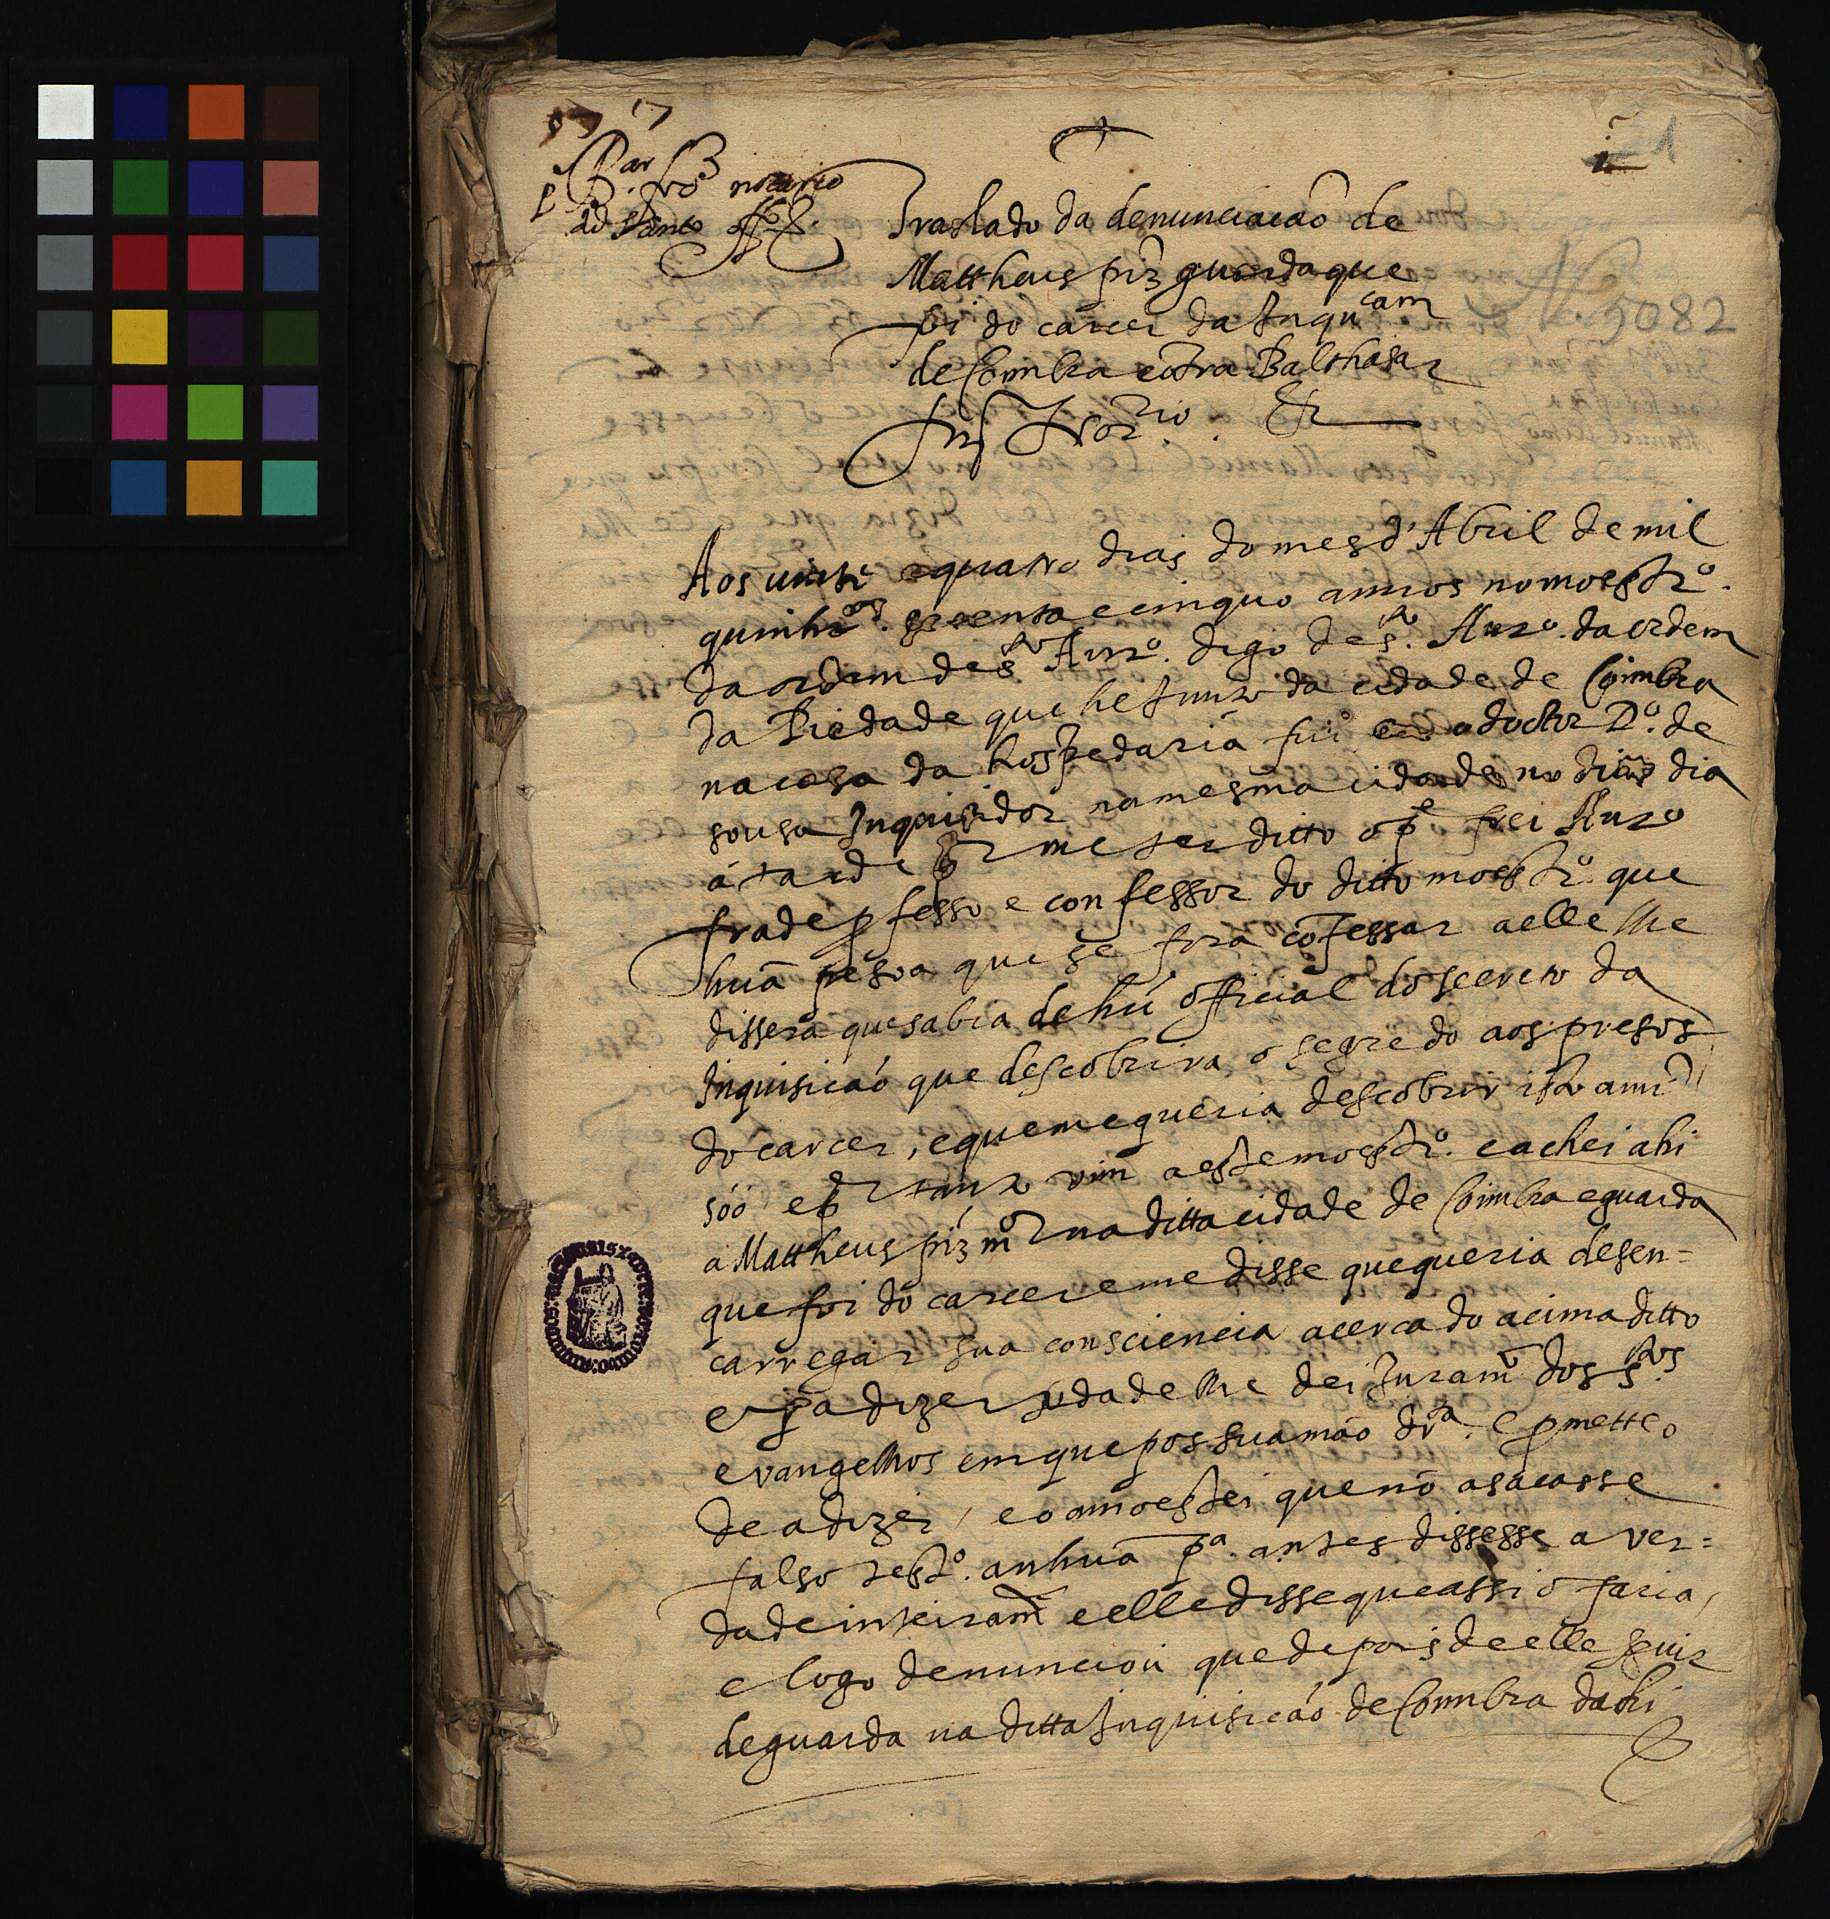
B.ar frz̄ notario
do santo offo
Traslado da denunciaçaõ de
Mattheus piz̄ guarda que
foi do carcer da Jnquçam
de Coimbra cōtra Balthasar
frz̄ Notrio
Aos uinte E quatro dias do mes d'Abril de mil
quinhtos. setenta e cinquo annos no moestro
da ordem de s.to Anto. digo de sto. Anto. da ordem
da Piedade que he Iunto da cidade de Coimbra
na casa da hospedaria fui _ o doctor Do. de
sousa Jnquisidor na mesma cidade no ditto dia
á tarde p̄o me ter ditto o pe frei Anto
frade ꝓfesso e confessor do ditto moestro que
huā pesoa que se fora cōfessar a elle lhe
dissera que sabia de hū official do secreto da
Inquisiçaõ que descobrira o segredo aos presos
do carcer, e que me queria descobrir isto a mī
sóo e p̄otanto vim a este moestro. e achei ahi
a Mattheus piz̄ mor na ditta cidade de Coimbra e guarda
que foi do carcere me disse que queria desen
carregar sua consciencia acerca do acima ditto
e ꝑa dizer ꝟdade lhe dei Juramto dos s.tos
evangelhos em que pos sua maõ drta. e ꝓmetteo
de a dizer / e o amoestei que nō asacasse
falso testo. a nhuā pa. antes dissesse a ver
dade inteiramte e elle disse que assi o faria /
e logo denunciou que depois de elle ꞩuir
de guarda na ditta Inquisiçaõ de Coimbra dahi
